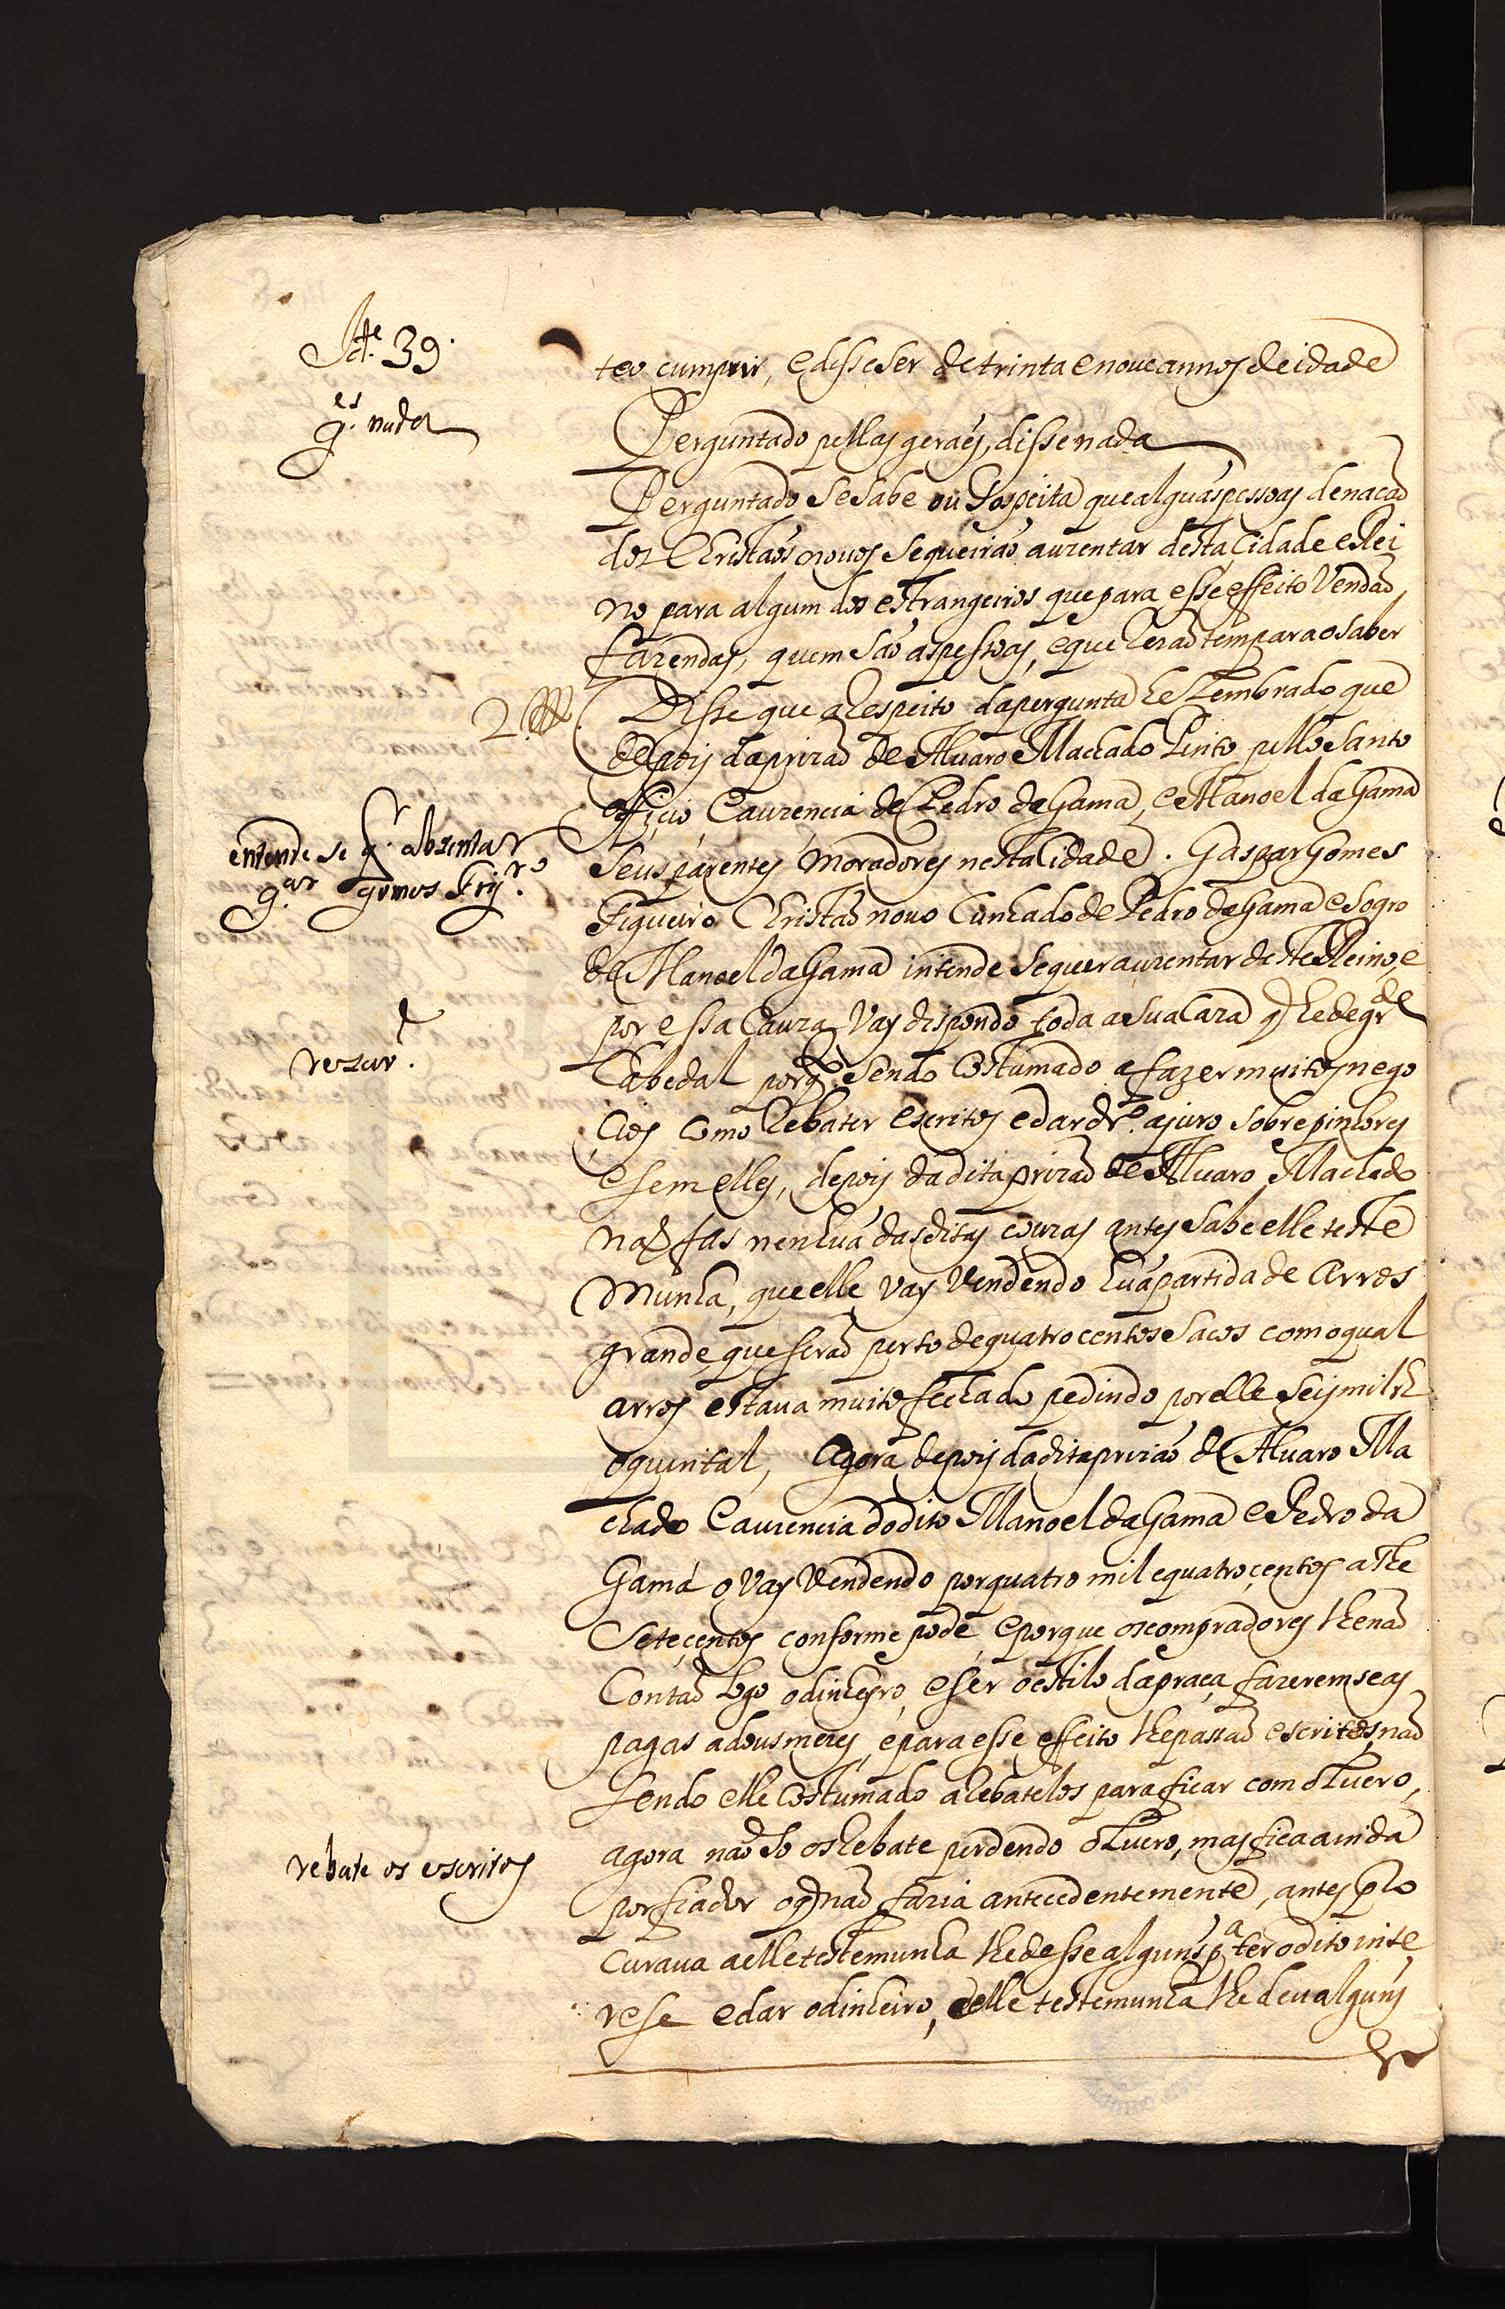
Id̄.e 39.
g.es nada
2.tto.
entende se q̄. abzentar
g.ar gomes Fig.ro
rezar.
rebate os escritos
teo cumprir, e disse ser de trinta e noue annos de idade
Perguntado pellas geraes, disse nada
Perguntado se sabe ou sospeita que alguās pessoas de naçaõ
dos Christaõs nouos se queiraõ auzentar desta cidade e Rei
no para algum dos estrangeiros que para esse effeito Vendaõ
fazendas, quem saõ as pessoas, e que Rezaõ tem para o saber
Disse que a Respeito da pergunta he lembrado que
depois da prizaõ de Aluaro Machado Pinto pello Santo
offiçio, e auzencia de Pedro da Gama, e Manoel da Gama
seus parentes moradores nesta Cidade. Gaspar Gomes
Figueiro Christaõ nouo Cunhado de Pedro da Gama e sogro
de Manoel da Gama intende Se quer auzentar deste Reino, e
por essa cauza Vay dispondo toda a sua caza q̄ he de grde
Cabedal porqto sendo costumado a fazer muitos nego
cios como Rebater escritos e dar dr.o a juro sobre pinhores
e sem elles, depois da dita prizaõ de Aluaro Machado
naõ fas nenhuā das ditas couzas antes sabe elle teste
munha, que elle vay vendendo huā partida de arros
grande, que seraõ perto de quatrocentos sacos com o qual
arros estaua muito fechado pedindo por elle seis mil rs̄
o quintal, agora depois da dita prizaõ de Aluaro Ma
chado e auzencia do dito Manoel da Gama e Pedro da
Gama o vay vendendo por quatro mil e quatrocentos athe
Setecentos conforme pode, e porque os compradores lhe naõ
Contaõ Logo o dinheyro, e ser o estilo da praça fazerem se as
pagas a dous mezes, e para esse effeito lhe passaõ escritos naõ
sendo elle costumado a Rebatelos para ficar com o Lucro,
agora naõ so os Rebate perdendo o Lucro, mas fica ainda
por fiador, o q̄ naõ fazia antecedentemente, antes pro
curaua a elle testemunha lhe desse alguns pa ter o dito inte
rese e dar o dinheiro, e elle testemunha lhe deu algun̄s
